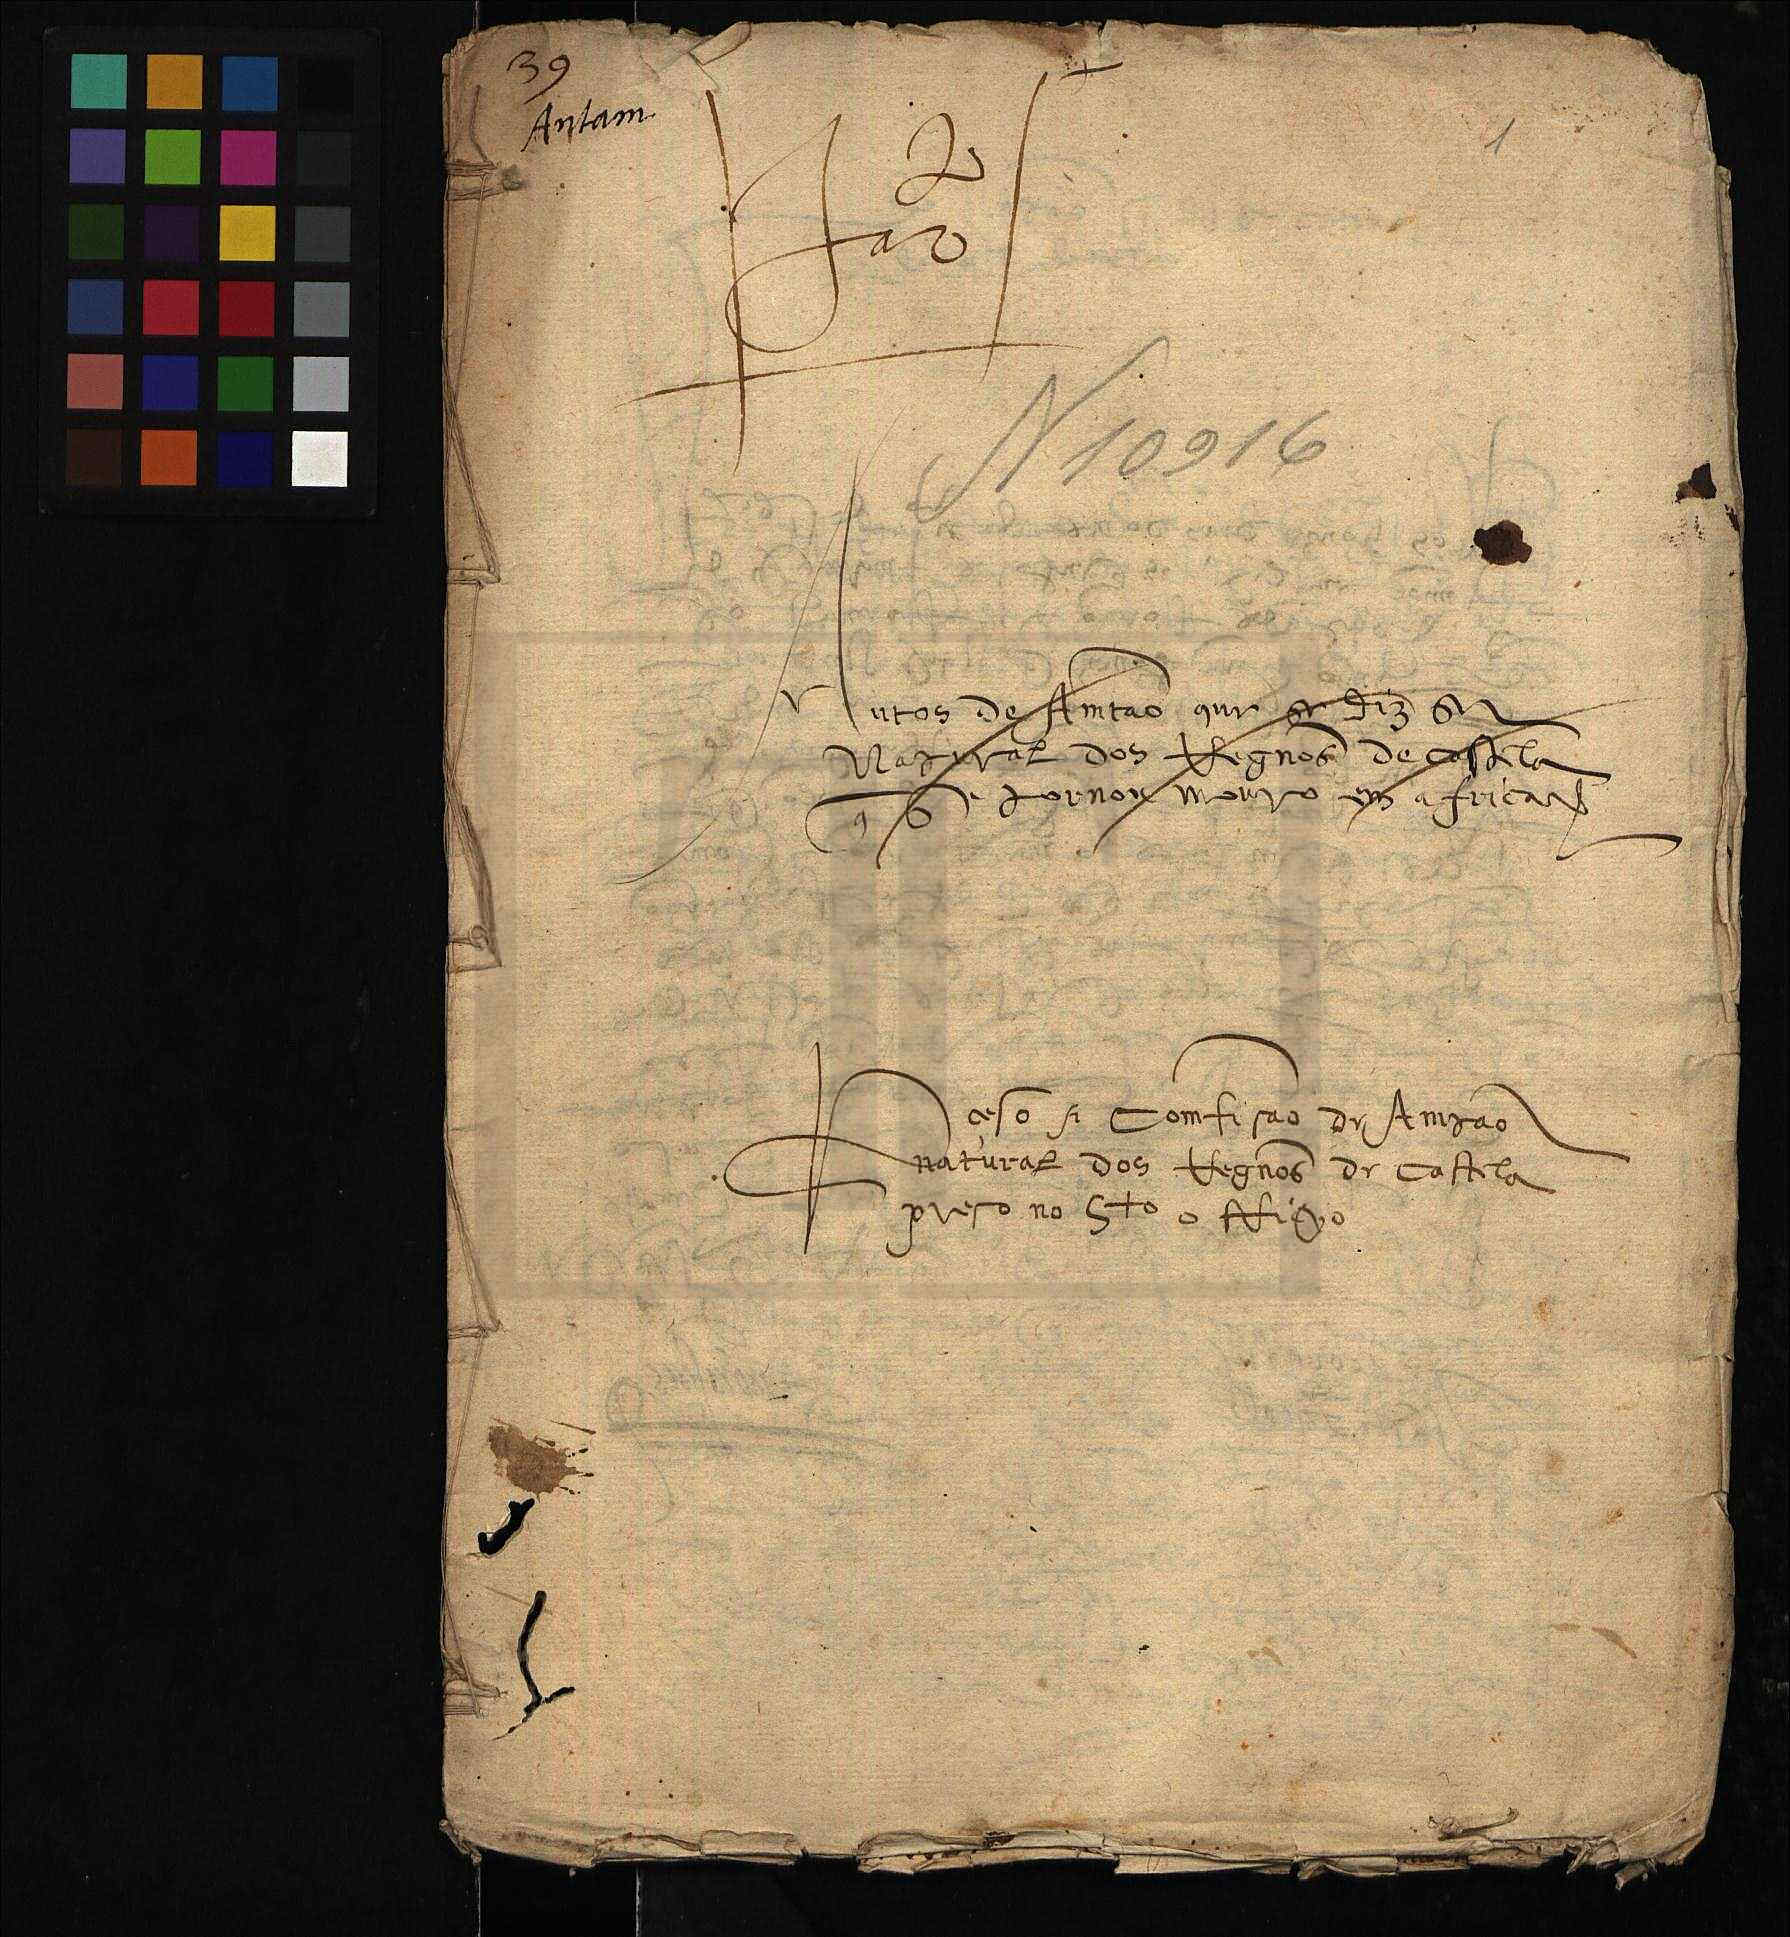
39
Antam
Autos de Amtão que se diz ser
natural dos Regnos de castela
q̄ se tornou mouro em africa
Ꝓceso e Comfisão de Amtão
natural dos Regn̄os de Castela
preso no Sto officyo
